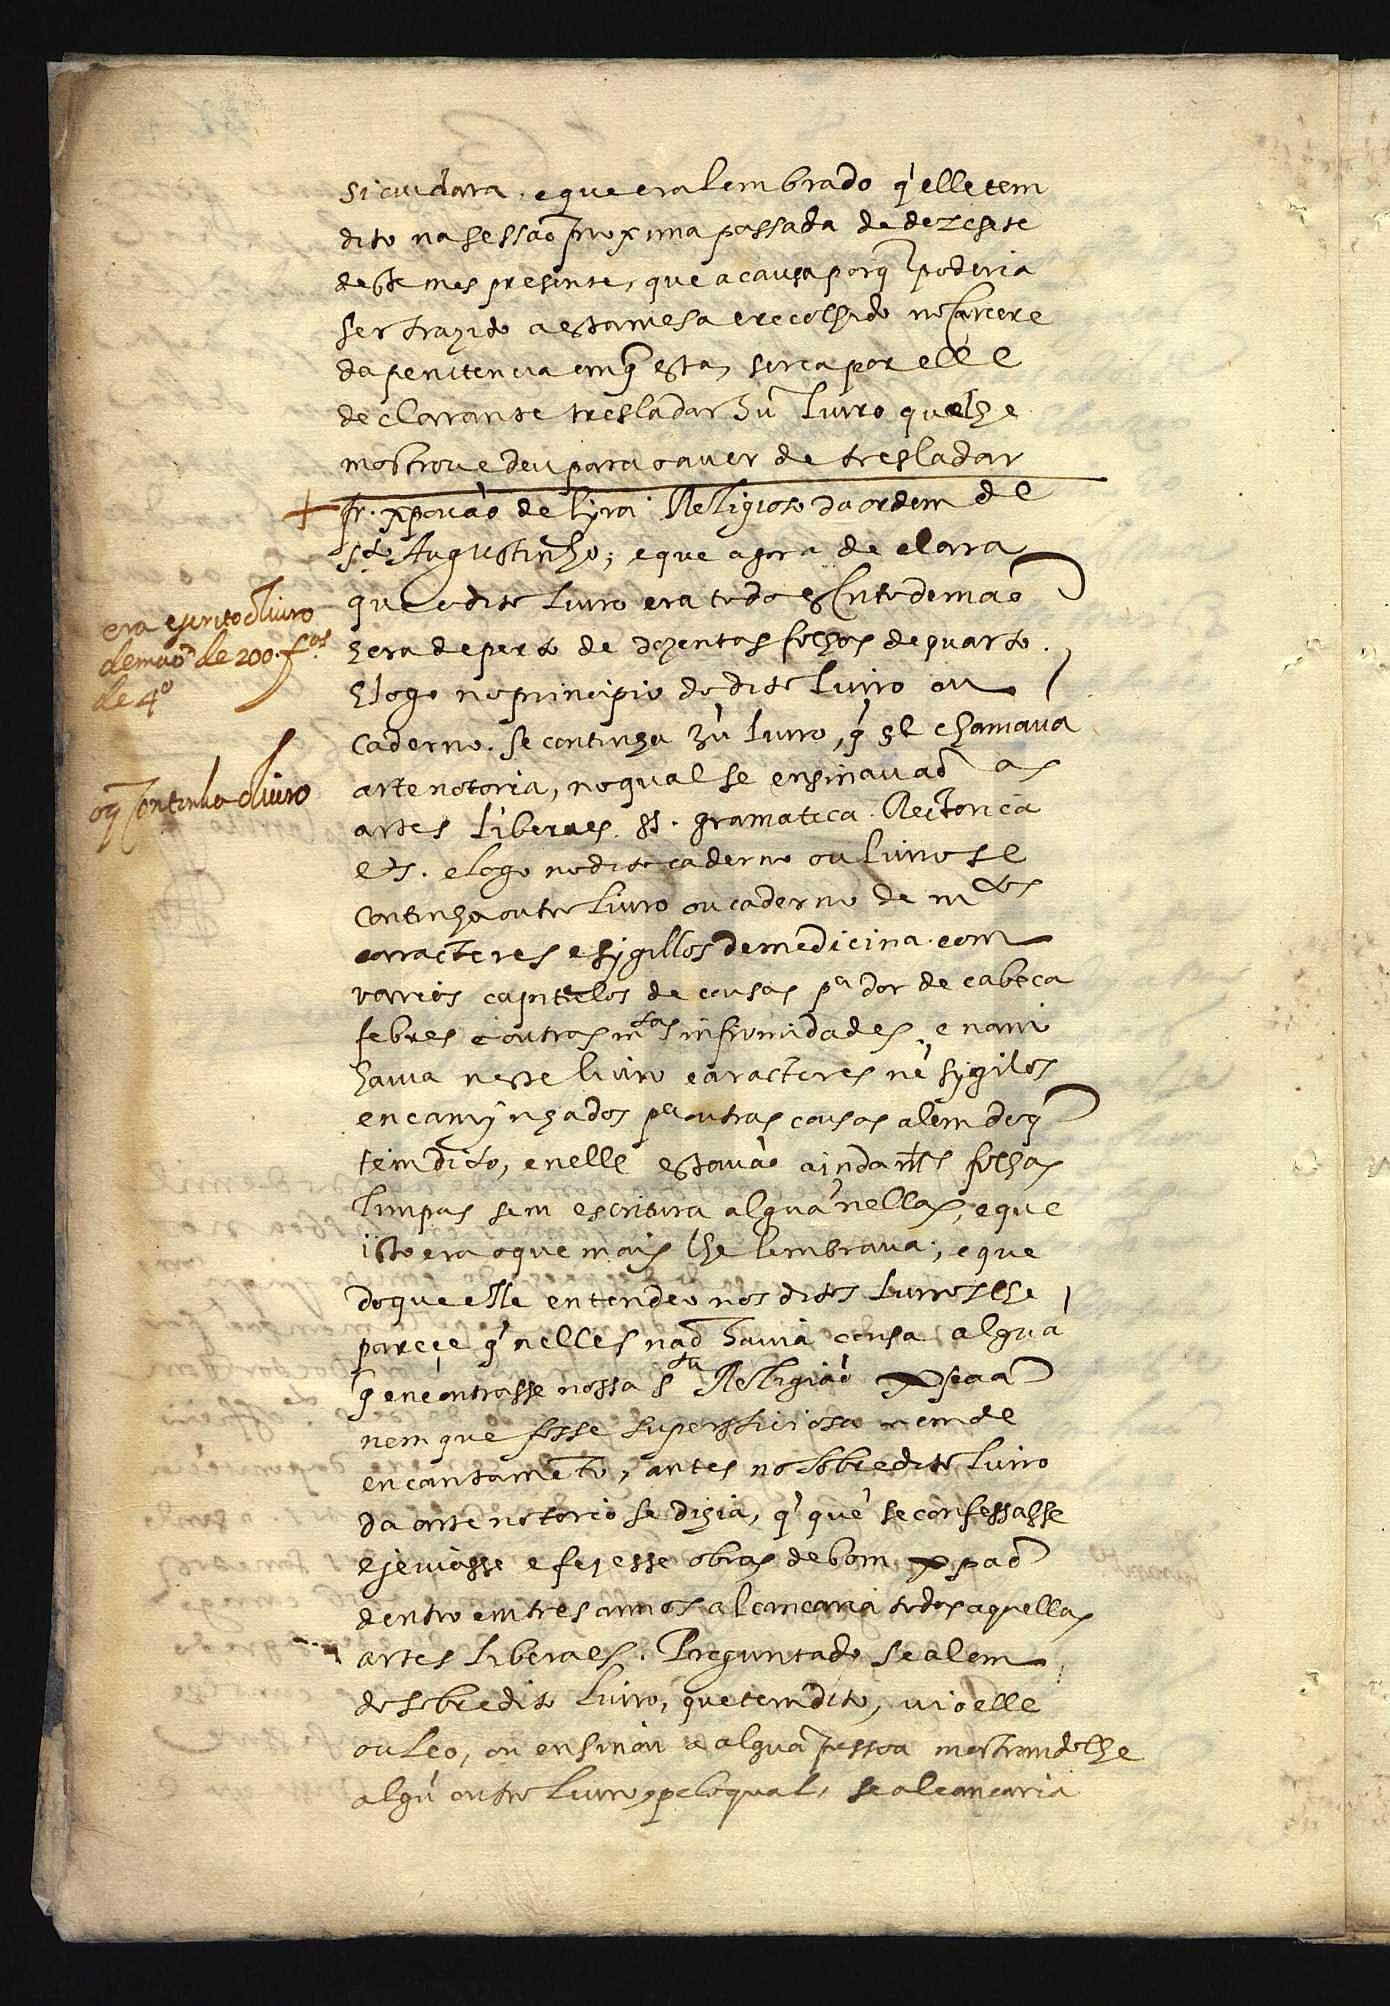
era escrito o liuro
de maõ de 200. f.as.
de 4o
o q̄ Continha o liuro
si cuidara, e que era lembrado q̄ elle tem
dito na sessaõ proxima passada de dezesete
deste mes presente, que a causa por q̄ poderia
ser trazido a esta mesa e recolhido no Carcere
da penitencia em q̄ esta, seria por elle
declarante tresladar hū liuro que lhe
mostrou e deu para o auer de tresladar
fr. Xpouaõ de lyra Religioso da ordem de
S.to Augustinho; e que agora declara
que o dito Liuro era todo esCrito de maõ
E era de perto de dozentas folhas de quarto
E logo no principio do dito liuro ou
caderno se continha hū liuro, q̄ se chamaua
arte notoria, no qual se ensinauaõ as
artes Liberaes ss. gramatica Rectorica
&ꝭ. e logo no dito caderno ou Liuro se
continha outro Liuro ou caderno de mtos
caracteres e sygillos de medicina com
varios capitulos de cousas pa dor de cabeça
febres e outras mtas infirmidades, e nam
hauia neste liuro caracteres nē sygilos
encamynhados pa outras cousas alem do q̄
tem dito, e nelle estauaõ ainda mtas folhas
limpas sem escritura alguā nellas, e que
isto era o que mais lhe lembrava; e que
do que elle entendeo nos ditos liuros lhe
parece q̄ nelles naõ hauia cousa alguā
q̄ encontrasse nossa Sta Religiaõ Xpaā
nem que fosse supersticiosa nem de
encantamēto, antes no sobredito liuro
da arte notorio se dizia, q̄ quē se confessasse
e jeiuasse e fezesse obras de bom xpaõ
dentro em tres annos alcançaria todas aquellas
artes Liberaes. Preguntado se alem
do sobredito Liuro, que tem dito, uio elle
ou Leo, ou ensinou a alguā pessoa mostrandolhe
algū outro Liuro, pelo qual, se alcançaria
